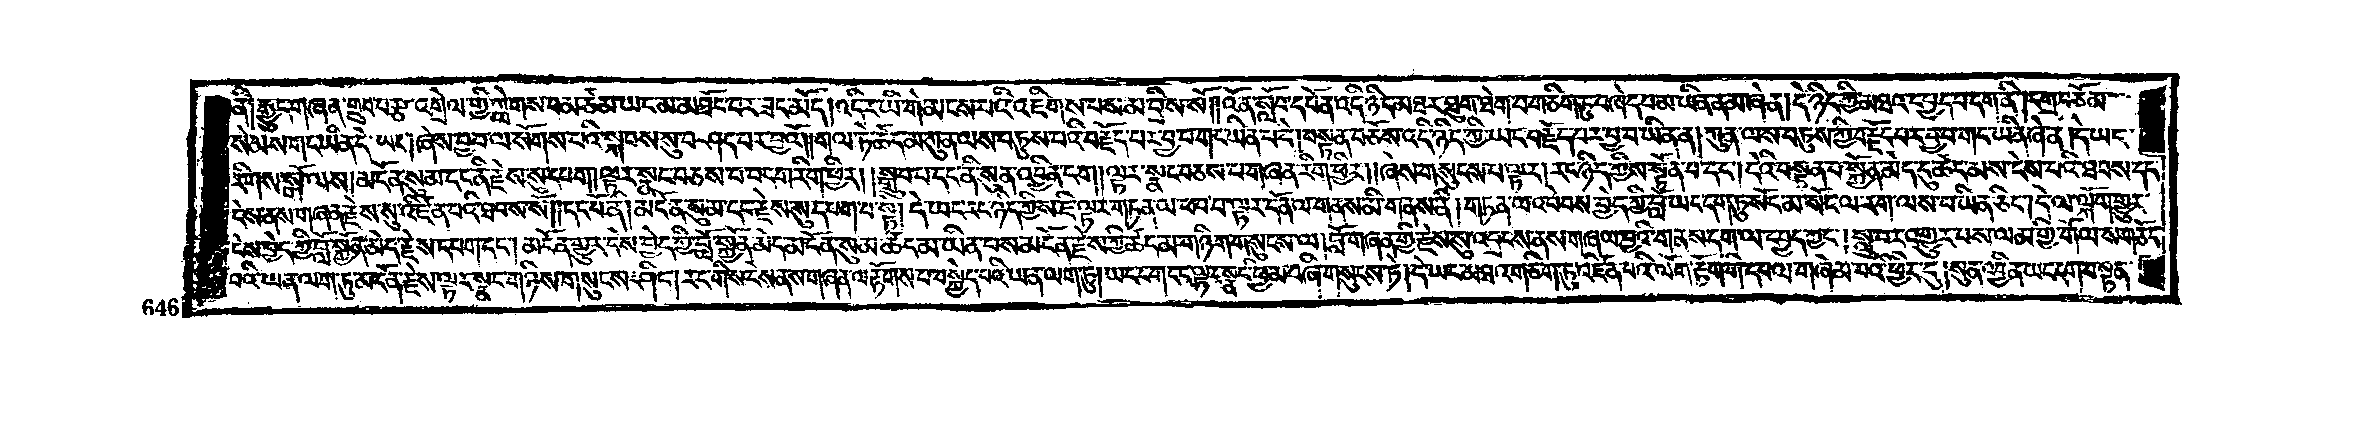ནི༑ རྒྱུད་གཞན་གྲུབ་བ་རྩ་འགྲེལ་གྱི་ཀླེགས་བམ་ཙམ་ཡང་མ་མཐོང་བར་ཟད་མོད། འདི་ཡི་གེ་མངས་པའི་འཇིགས་པས་མ་བྲིས་སོ། །འོ་ན་སློབ་དཔོན་འདི་ཉིད་མཐར་ཐུག་ཐེག་པ་གཅིག་ཏུ་བཞེད་པ་མ་ཡིན་ནམ་ཞེ་ན། དེ་ཉིད་ཀྱི་མཐའ་དཔྱད་པ་དག་ནི། དགྲ་བཅོམ་
སེམས་གང་ཡིན་དེ་ཡང་། ཞེས་བྱ་བ་ལ་སོགས་པའི་སྐབས་སུ་བཤད་པར་བྱའོ། །གལ་ཏེ་ཚད་མ་ཀུན་ལས་བཏུས་པའི་བརྗོད་པར་བྱ་བ་གང་ཡིན་པ་དེ། བསྟན་བཅོས་འདི་ཉིད་ཀྱི་ཡང་བརྗོད་པར་བྱ་བ་ཡིན་ན། ཀུན་ལས་བཏུས་ཀྱི་བརྗོད་པར་བྱ་བ་གང་ཡིན་ཞེ་ན། དེ་ཡང་
རིགས་སྒོ་ལས། མངོན་སུམ་དང་ནི་རྗེས་སུ་དཔག། ལྟར་སྣང་བཅས་པ་བདག་རིག་ཕྱིར། །སྒྲུབ་པ་དང་ནི་སུན་འབྱིན་དག། ལྟར་སྣང་བཅས་པ་གཞན་རིག་ཕྱིར། །ཞེས་གསུངས་པ་ལྟར། རང་ཉིད་ཀྱིས་སྟོན་པ་དང་། དེའི་བསྟན་པ་སྐྱོན་མེད་དུ་ཚད་མས་ངེས་པའི་ཐབས་དང་
དེས་ནས་གཞན་རྗེས་སུ་འཛིན་པའི་ཐབས་སོ། །དང་པོ་ནི། མངོན་སུམ་དང་རྗེས་སུ་དཔག་པ་སྟེ། དེ་ཡང་རང་ཉིད་ཀྱིས་ཇི་ལྟར་གཏན་ལ་ཕབ་པ་ལྟར་དོན་ལ་གནས་མི་གནས་ནི། གཏན་ལ་འབེབས་བྱེད་ཀྱི་བློ་ཡང་དག་ཏུ་སོང་མ་སོང་ལ་རབ་ལས་པ་ཡིན་ཅིང་། དེ་ལ་ལྐོག་གྱུར་
ངེས་བྱེད་ཀྱི་བློ་སྐྱོན་མེད་རྗེས་དཔག་དང་། མངོན་གྱུར་དེས་བྱེད་ཀྱི་བློ་སྐྱོན་མེད་མངོན་སུམ་ཚད་མ་ཡིན་པས་མངོན་རྗེས་ཀྱི་ཚད་མ་གཉིས་གསུངས་ལ། བློ་གཞན་གྱི་རྗེས་སུ་འབྲངས་ནས་གཞལ་བྱའི་གནས་དག་ལ་དབྱད་ཀྱང་། སླུ་བར་འགྱུར་པས་ལམ་གྱི་གོལ་ས་གཅོད་
བའི་ཡན་ལག་ཏུ་མངོན་རྗེས་ལྟར་སྣང་གཉིས་གསུངས་ཤིང་། རང་གིས་ངེས་ནས་གཞན་ལ་རྟོགས་པ་བསྐྱེད་པའི་ཡན་ལག་ཏུ། ཡང་དག་དང་ལྟར་སྣང་ཕྱི་མ་བཞི་གསུངས་ཏེ། དེ་ཡང་མཐའ་གཅིག་ཏུ་འཛིན་པའི་ལོག་རྟོག་གི་དཔལ་གཞེམ་པའི་ཕྱིར་དུ། སུན་འབྱིན་ཡང་དག་བསྟན་